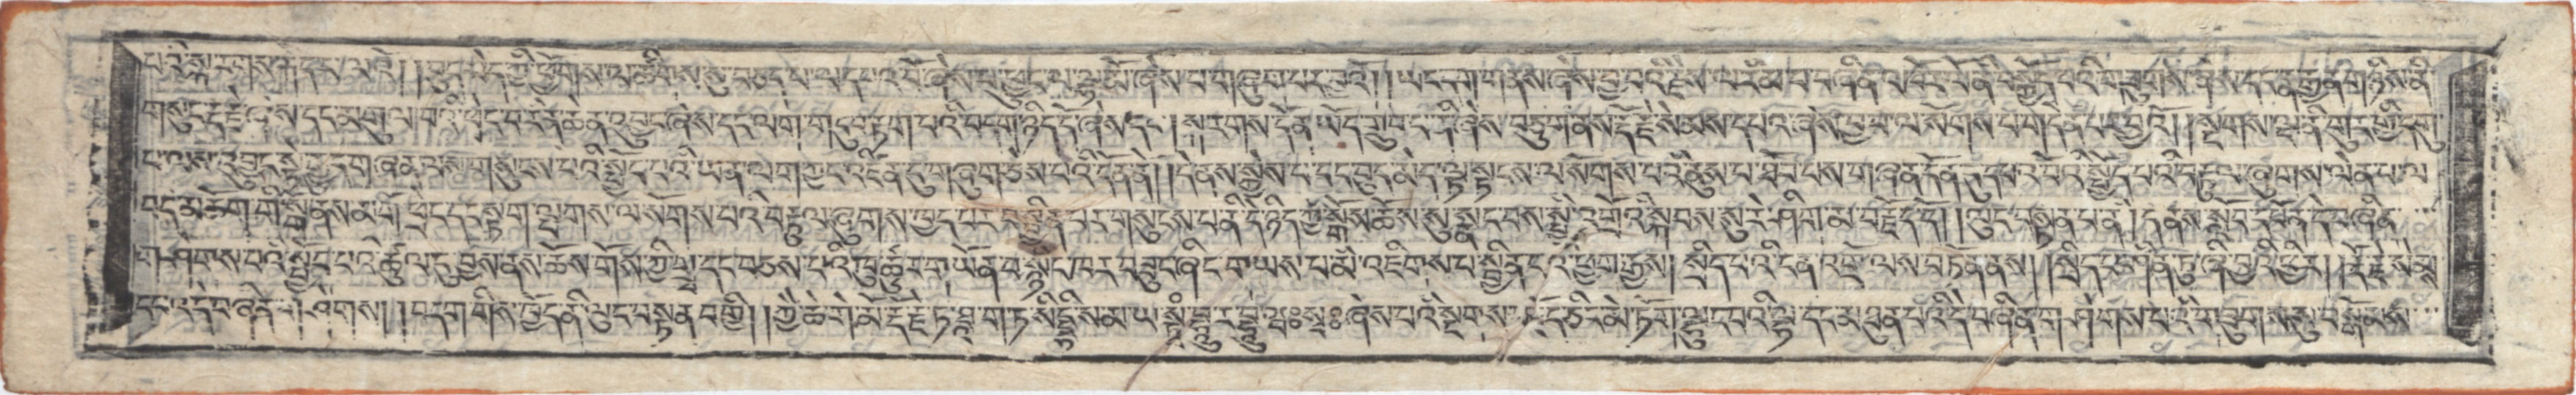པའི་སྐ་རགས་རྐོད་?་པ་ལའོ། །བུད་མེད་ཀྱི་ཕྱོགས་ལ་ཚིགས་སུ་བཅད་པ་ལ་དཔའ་བོ་ཞེས་པ་ཕྱུང་ལ་ལྷ་མོ་ཞེས་པ་གཞུག་པར་བྱའོ། །ཡང་དག་གནས་ཞེས་བྱ་བའི་རྗེས་ལ་རིམ་པ་བཞིན་འཁོར་ལོ་ནི་བསྐྱོད་པའི་གཟུགས་ཞེས་དང་རྣ་རྒྱན་གཉིས་ནི་
གསུང་རྡོ་རྗེ་ཞེས་དང་མགུལ་བའི་ཕྲེང་བ་རིན་ཆེན་འབྱུང་ཞེས་དང་ལག་གདུབ་རྟག་པའི་བདག་ཉིད་དོ་ཞེས་དང་། སྐ་རགས་དོན་ཡོད་གྲུབ་པ་ནི་ཞེས་བཅུག་ནས་རྡོ་རྗེ་སེམས་དཔའ་ཞེས་བྱ་བ་ལ་སོགས་པ་གདོན་པར་བྱའོ། །སྔགས་ལྔ་ནི་གུར་གྱི་དགུ་
པ་ལས་འབྱུང་སྟེ་རྒྱུད་གཞན་ལས་གསུངས་པའི་སྤྱོད་པའི་ཡན་ལག་ཀྱང་འཛིན་དུ་གཞུག་ཅེས་པའི་དོན་ནོ། །དེ་ནས་སྐྱེས་པ་དང་བུད་མེད་ལྟ་སྟངས་ལ་སོགས་པའི་ནུས་པ་ཐོབ་པས་གཞན་དོན་དུ་དཔའ་བོའི་སྤྱོད་པའི་བརྟུལ་ཞུགས་ལེན་པ་ལ་
བདེ་མཆོག་གི་སྒོ་ནས་མགོ་ཕྲེང་དང་སྟག་ལྤགས་ལ་སོགས་པའི་བརྟུལ་ཞུགས་ཁྱད་པར་བ་སྦྱིན་པར་གསུངས་པ་ནི་དེ་ཉིད་ཀྱི་སྒོས་ཆོས་སུ་སྣང་བས་སྤྱི་འགྲོའི་སྐབས་སུ་རེ་ཤིག་མ་བརྗོད་དོ། །ལུང་བསྟན་པ་ནི། དེ་ནས་སློབ་དཔོན་དེ་བཞིན་
གཤེགས་པའི་སྤྱོད་པའི་ཚུལ་དུ་བྱས་ནས་ཆོས་གོས་ཀྱི་གྲྭ་དང་བཅས་པའི་ཁུ་ཚུར་གཡོན་པ་སྙིང་ཁར་བཟུང་ཞིང་གཡས་པ་མི་འཇིགས་པ་སྦྱིན་པའི་ཕྱག་རྒྱས། སྲིད་པའི་ངན་འགྲོ་ལས་བཏོན་ནས། །སྲིད་པ་ཤིན་ཏུ་ཞི་བྱའི་ཕྱིར། །རྡོ་རྗེ་སེམས་
དཔའ་དེ་བཞིན་གཤེགས། །བདག་གིས་ཁྱོད་ནི་ལུང་བསྟན་བགྱི། །ཀྱཻ་ཆེ་གེ་མོ་རྡོ་རྗེ་ཏ་ཐཱ་ག་ཏ་སིདྡྷི་ས་མ་ཡ་སྟྭཾ་བྷཱུ་ར་བྷཱུ་ཝཿ སྭཿ ཞེས་པའི་སྔགས་བརྗོད་ཅིང་མེ་ཏོག་ལྷུང་བའི་ལྷ་དང་མཐུན་པའི་དེ་བཞིན་གཤེགས་པའི་གཟུགས་སུ་བསྒོམས་